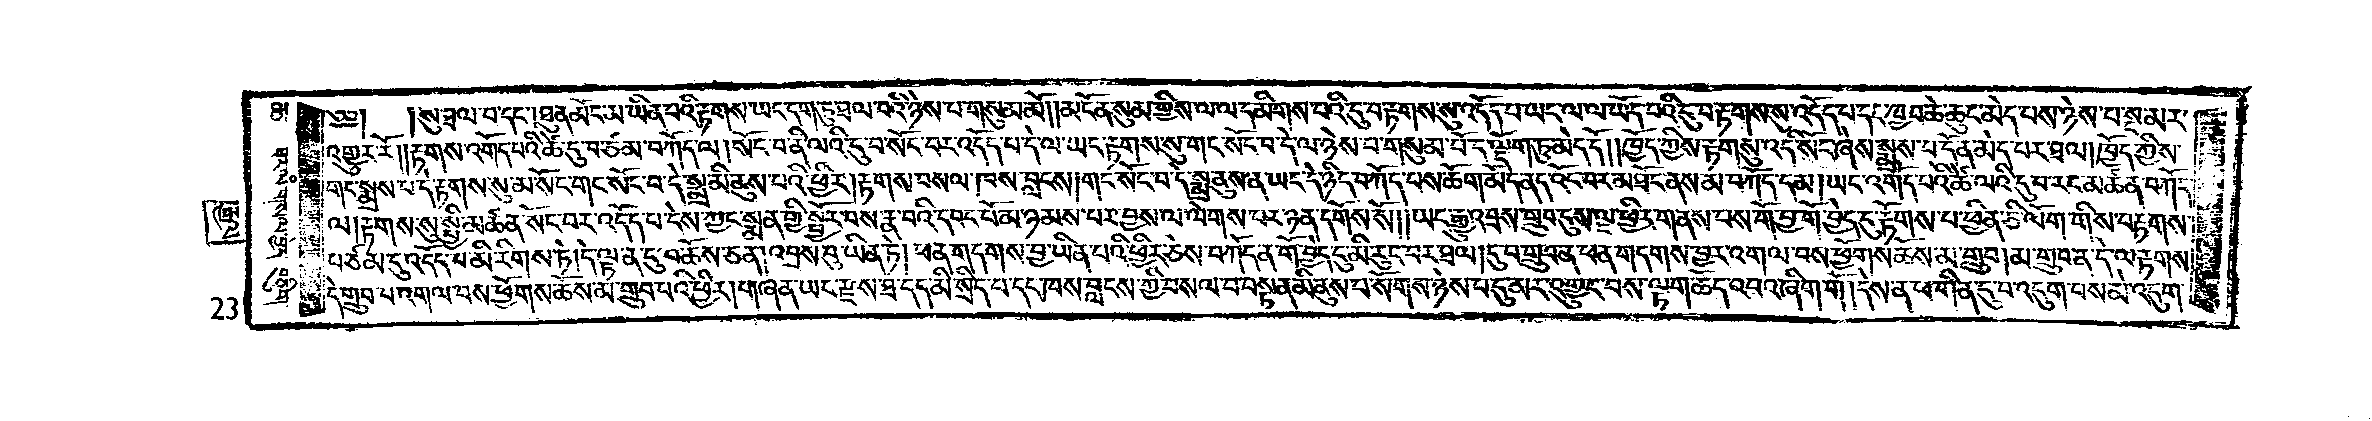༄༅། །སུ་ཐལ་བ་དང་། ཐུན་མོང་མ་ཡིན་པའི་རྟགས་ཡང་དག་ཏུ་ཐལ་བའི་ཉེས་པ་གསུམ་མོ། །མངོན་སུམ་གྱིས་ལ་ལ་དམིགས་པའི་དུ་བ་རྟགས་སུ་འདོད་པ་ཡང་ལ་ལ་ཡོད་པའི་དུ་བ་རྟགས་སུ་འདོད་པ་དང་ཁྱབ་ཆེ་ཆུང་མེད་པས་ཉེས་པ་སྔ་མར་
འགྱུར་རོ། །རྟགས་འགོད་པའི་ཚེ་དུ་བ་ཙམ་བཀོད་ལ། སོང་བ་ནི་ལའི་དུ་བ་སོང་བར་འདོད་པ་དེ་ལ་ཡང་རྟགས་སུ་གང་སོང་བ་དེ་ལ་ཉེས་པ་གསུམ་པོ་ད་ལྡོག་ཏུ་མེད་དོ། །ཁྱོད་ཀྱིས་རྟགས་སུ་འདི་སོང་ཞེས་སྨྲས་པ་དོན་མེད་པར་ཐལ། ཁྱོད་ཀྱིས་
གང་སྨྲས་པ་དེ་རྟགས་སུ་མ་སོང་གང་སོང་བ་དེ་སྨྲ་མི་ནུས་པའི་ཕྱིར། རྟགས་བསལ་ཁས་བླངས། གང་སོང་བ་དེ་སྨྲ་ནུས་ན་ཡང་དེ་ཉིད་བཀོད་པས་ཆོག་མོད་ནད་འོང་བར་མཐོང་ནས་མ་བཀོད་དམ། ཡང་འགོད་པའི་ཚེ་ལའི་དུ་བ་རང་མཚན་བཀོད་
ལ། རྟགས་སུ་སྤྱི་མཚན་སོང་བར་འདོད་པ་དེས་ཀྱང་སྨན་གྱི་སྦྱོར་བས་རྣ་བའི་དབང་པོ་མ་ཉམས་པར་བྱས་ལ་ལེགས་པར་ཉན་དགོས་སོ། །ཡང་རྒྱུ་འབྲས་གྲུབ་དུས་ལྔ་ཕྱིར་གནས་པས་གོ་བྱ་གོ་བྱེད་དུ་རྟོགས་པ་ཕྱིན་ཅི་ལོག་གིས་བརྟགས་
པ་ཙམ་དུ་འདོད་པ་མི་རིགས་ཏེ། དེ་ལྟ་ན་དུ་བ་ཆོས་ཅན། འབྲས་བུ་ཡིན་ཏེ། ཕན་གདགས་བྱ་ཡིན་པའི་ཕྱིར་ཅེས་བཀོད་ན་གོ་བྱེད་དུ་མི་རུང་བར་ཐལ། དུ་བ་གྲུབ་ན་ཕན་གདགས་བྱར་འགལ་བས་ཕྱོགས་ཆོས་མ་གྲུབ། མ་གྲུབ་ན་དེ་ལ་རྟགས་
དེ་གྲུབ་པ་འགལ་བས་ཕྱོགས་ཆོས་མ་གྲུབ་པའི་?་ཕྱིར། གཞན་ཡང་རྫས་ཐ་དད་མི་སྲིད་པ་དང་ཁས་བླངས་ཀྱི་བསལ་བ་བསྟན་མི་ནུས་པ་སོགས་ཉེས་པ་དུ་མར་འགྱུར་བས་ལྟག་ཆོད་འབའ་ཞིག་གོ། དེས་ན་ཕ་གི་ན་དུ་བ་འདུག་པས་མེ་འདུག་